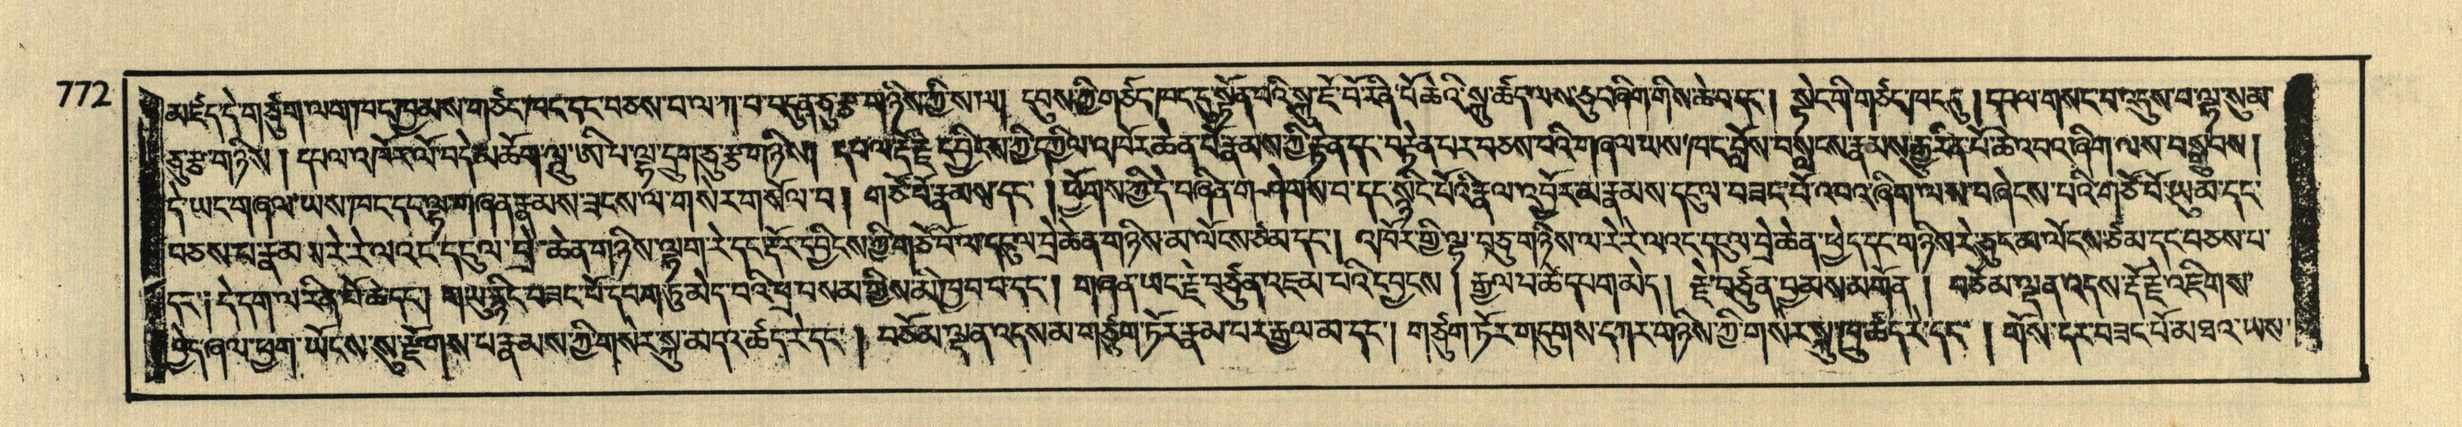མཛད་དེ་གཙུག་ལག་ཁང་ཁྱམས་གཙང་ཁང་དང་བཅས་པ་ལ་ཀ་བ་བདུན་ཅུ་རྩ་གཉིས་ཀྱིས་ལ། དབུས་ཀྱི་གཙང་ཁང་དུ་སྟོན་བའི་སྐུ་ཇོ་བོ་རིན་པོ་ཆེའི་སྐུ་ཚད་ལས་ཅུང་ཞིག་གིས་ཆེ་བ་དང་། སྟེང་གི་གཙང་ཁང་དུ། དཔལ་གསང་བ་འདུས་པ་ལྷ་སུམ་
ཅུ་རྩ་གཉིས། དཔལ་འཁོར་ལོ་བདེ་མཆོག་ལཱུ་ཨི་པ་ལྷ་དྲུག་ཅུ་རྩ་གཉིས། དཔལ་རྡོ་རྗེ་དབྱིངས་ཀྱི་དཀྱིལ་འཁོར་ཆེན་པོ་རྣམས་ཀྱི་རྟེན་དང་བརྟེན་པར་བཅས་པའི་གཞལ་ཡས་ཁང་བློས་བསླངས་རྣམས་རྒྱུ་རིན་པོ་ཆེ་འབའ་ཞིག་ལས་བསྒྲུབས།
དེ་ཡང་གཞལ་ཡས་ཁང་དང་ལྷ་གཞན་རྣམས་ཟངས་ལ་གསེར་གསོལ་པ། གཙོ་བོ་རྣམས་དང་།ཕྱོགས་ཀྱི་དེ་བཞིན་གཤེགས་བ་དང་སྙིང་པོའི་རྣལ་འབྱོར་མ་རྣམས་དངུལ་བཟང་པོ་འབའ་ཞིག་ལས་བཞེངས་པའི་གཙོ་བོ་ཡུམ་དང་
བཅས་པ་རྣམས་རེ་རེ་ལའང་དངུལ་བྲེ་ཆེན་གཉིས་ལྷག་རེ་དང་རྡོར་དབྱིངས་ཀྱི་གཙོ་བོ་ལ་དངུལ་བྲེ་ཆེན་གཉིས་མ་ལོངས་ཙམ་དང་། འཁོར་གྱི་ལྷ་བཅུ་གཉིས་ལ་རེ་རེ་ལའང་དངུལ་བྲེ་ཆེན་ཕྱེད་དང་གཉིས་རེ་ཅུང་མ་ལོངས་ཙམ་དང་བཅས་པ་
དང༑ དེ་དག་ལ་རིན་པོ་ཆེ་དང་། གཡུ་རྙིང་བཟང་པོ་དཔག་ཏུ་མེད་བའི་ཕྲ་བསམ་གྱིས་མི་ཁྱབ་བ་དང་། གཞན་ཡང་རྗེ་བཙུན་འཇམ་པའི་དབྱངས། རྒྱལ་པ་ཚེ་དཔག་མེད། རྗེ་བཙུན་བྱམས་མགོན། བཅོམ་ལྡན་འདས་རྡོ་རྗེ་འཇིགས་
བྱེད་ཞལ་ཕྱག་ཡོངས་སུ་རྫོགས་པ་རྣམས་ཀྱི་གསེར་སྐུ་མདའ་ཚད་རེ་དང་། བཅོམ་ལྡན་འདས་མ་གཙུག་ཏོར་རྣམ་པར་རྒྱལ་མ་དང་། གཙུག་ཏོར་གདུགས་དཀར་གཉིས་ཀྱི་གསེར་སྐུ་ཁྲུ་ཚད་རེ་དང་། གོས་དར་བཟང་པོ་མཐའ་ཡས་